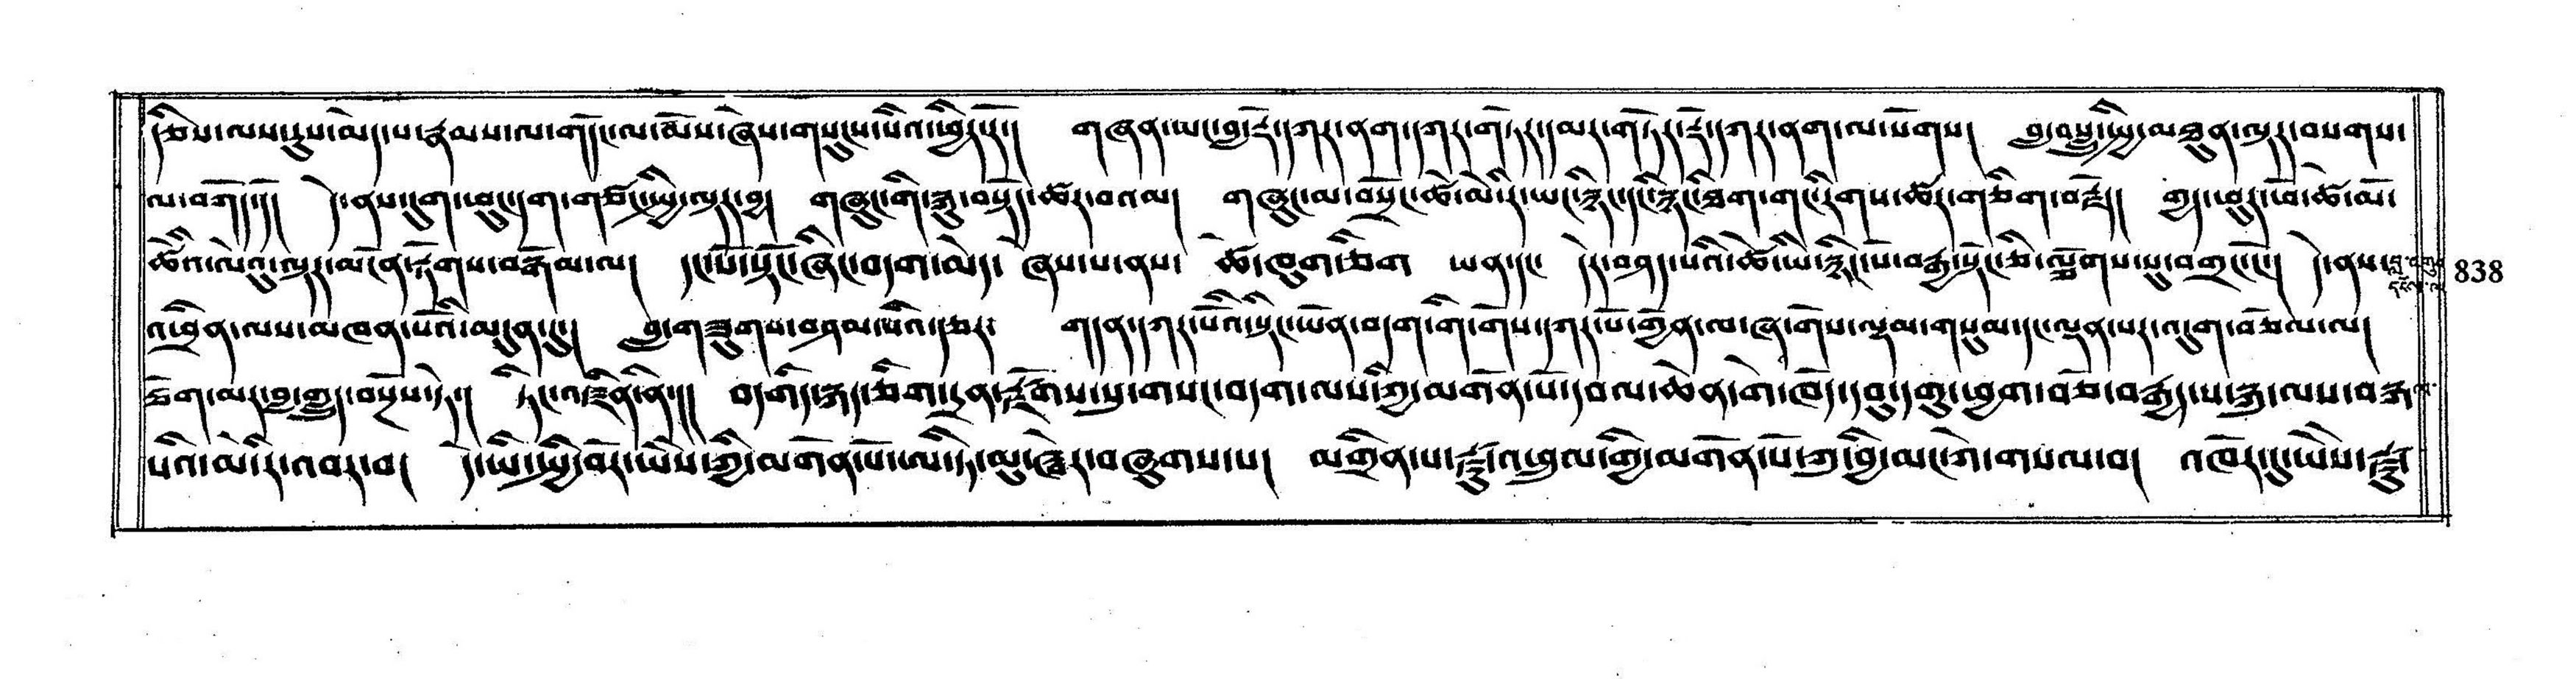རྩིས་ལས་རུས་མེད་པ་རྣམས་ལ་གདོང་ལ་སྨོས་ཞེས་གསུངས་པའི་ཕྱིར་རོ། གཞན་ཡང་བླ་རྡོ་དཀར་ནག་དཀར་གཏོར་དམར་གཏོར་རྡོ་དཀར་ནག་ལ་སོགས། བླ་བསླུ་སྤྱི་མཐུན་ལྟར་བསགས་
ལ་བཀོད་དོ། དེ་ནས་དུག་ཕྱུང་དག་གཙང་སྤྱི་ལྟར་བྱ། གཞུང་གི་སྐུ་བསྟོད་ཚར་བའམ། གཞུང་མ་བསྲོང་ཚེ་མེ་རི་ཡང་སྙིང་དང་སྙིང་ཐིག་གང་རིགས་ཚར་གཅིག་བརྗོད། གྱད་ཕུར་ཕོ་ཚེ་མོ་
ཚེའི་ལེའུ་ལྟར་མངོན་རྟོགས་བསྒོམ་ལ། དང་པོ་སྟོང་ཞིང་བདག་མེད་ཞེས་པ་ནས་ཚེ་ཁུག་ཅིག ཡན་དང་དེར་བཤད་པའི་ཚེ་ཡི་སྙིང་པོ་བརྒྱ་སྟོང་ཅི་ལྕོགས་སུ་བགྲང་ངོ་། དེ་ནས་བླ་འགུལ་དངོས་ལ་
འཕྲིན་ལས་མཁན་པོའི་མདུན་དུ། བླ་གཟུགས་བཤམ་པའི་རྩར་གདན་དཀར་པོའི་སྟིང་ཡོན་བདག་གི་གོས་དཀར་པོ་གྱོན་ལ་ཞྭ་གོས་ལྷམ་གསུམ་དང་ལྡན་པར་འདུག་བཅོལ་ལ། 
ཐོག་མར་བླ་གླུད་བསྔོས་ཏེ། ཏིང་འཛིན་ནི།། བདག་ཉིད་སྐད་ཅིག་དྲན་རྫོགས་སུ་གསང་བདག་ལས་ཀྱི་མགོན་པོ་དབལ་ཆེན་གེ་ཁོད་དབུ་དགུ་ཕྱག་བཅོ་བརྒྱད་པ་སྐུ་ལས་བསྐལ་
པའི་མེ་རི་འབར་བ། དེ་ཡི་སྤྱི་བོར་ཡེ་ཤེས་ཀྱི་མགོན་པོ་ཨ་ཏི་མུ་ཝེར་བཞུགས་པ། མགྲིན་པ་རྫུ་འཕྲུལ་གྱི་མགོན་པོ་ཀུ་བྱི་མང་ཀེ་གསལ་བ། འཁོར་དུ་ཡེ་ཤེས་རྫུ་